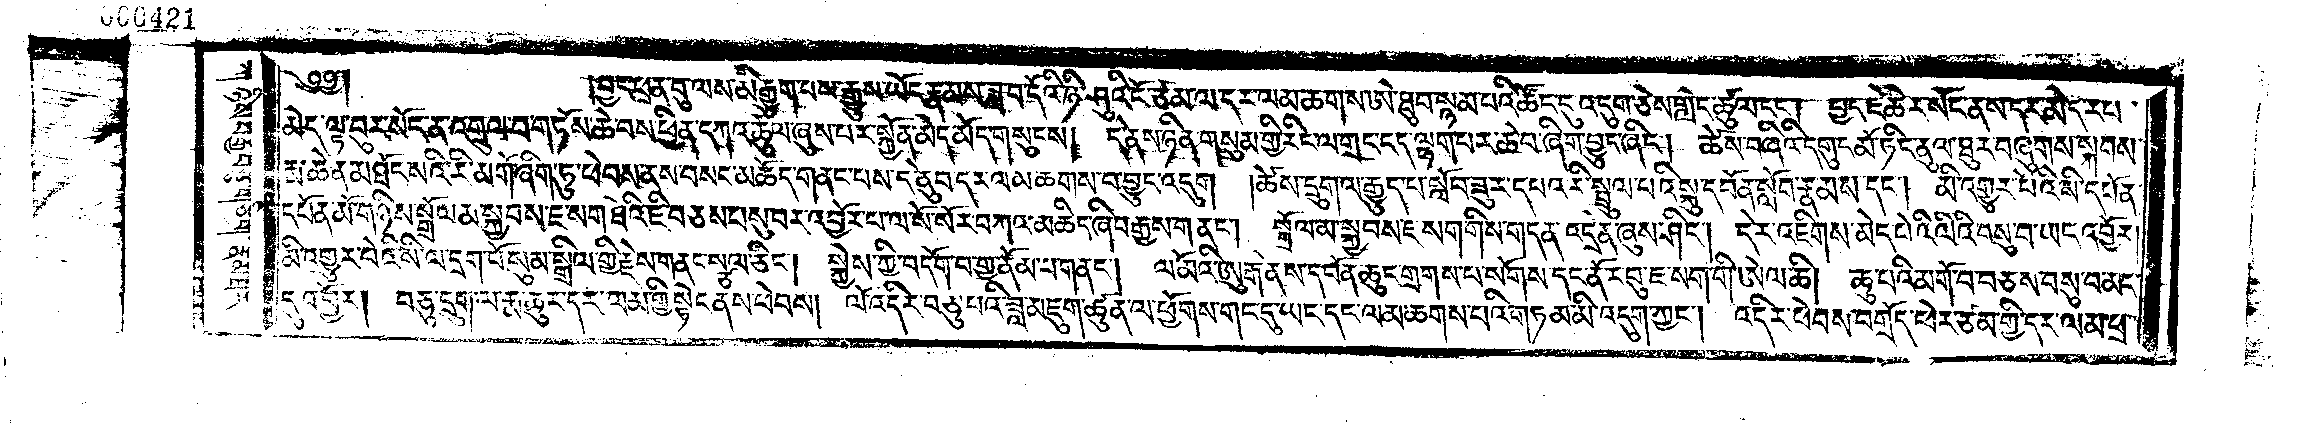༄༅། །བྱང་ཕྲན་བུ་ལས་མི་རྒྱུག་པས་རྒྱུས་ཡོང་རྣམས་ཟླ་བ་དེའི་ཉི་ཤུའི་ངོ་ཙམ་ལ་དར་ལམ་ཆགས་ཨེ་ཐུབ་སྙམ་པའི་ཚོད་དུ་འདུག་ཅེས་གླེང་ཚུལ་དང་། བྱང་ཇེ་ཆེར་སོང་ནས་དར་མེད་རབ་
མེད་ལྟ་བུར་སོང་ན་འགྲུལ་བ་གཏོས་ཆེབས་ཕྱིན་དཀའ་ཚུལ་ཞུས་པར་སྐྱོན་མེད་མོད་གསུངས། དེ་ནས་ཉིན་གསུམ་གྱི་རིང་ལ་གྲང་ངད་ལྷག་པར་ཆེ་བ་ཞིག་བྱུང་ཞིང་། ཚེས་བཞིའི་དགུང་མོ་ཏིང་ནུལ་ཐུར་བཞུགས་སྐབས་
རྨ་ཆེན་མཐོང་སའི་རི་མགོ་ཞིག་ཏུ་ཕེབས་ནས་བསང་མཆོད་གནང་བས་དེ་ནུབ་དར་ལམ་ཆགས་པ་བྱུང་འདུག །ཚེས་དྲུག་ལ་རྒྱུད་པ་སློབ་ཟུར་དཔའ་རི་སྤྲུལ་པའི་སྐུ་དཔོན་སློབ་རྣམས་དང་། མི་འགྱུར་པེའི་སི་དཔོན་
དཔོན་མོ་གཉིས་སྒྲོལ་མ་སྐྱབས་ཇ་སག་ཐེའི་ཇི་བཅས་བསུ་བར་འབྱོར་པ་ལ་སོ་སོར་བཀའ་མཆིད་ཞིབ་རྒྱས་གནང་། སྒོལ་མ་སྐྱབས་ཇ་སག་གིས་གདན་འདྲེན་ཞུས་ཤིང་། དེར་འཇིགས་མེད་པེའི་ལིའི་བསུ་བ་ཡང་འབྱོར།
མི་འགྱུར་པེའི་སི་ལ་དྲག་པོ་སུམ་སྒྲིལ་གྱི་རྗེས་གནང་སྩལ་ཅིང་། སྐྱེས་ཀྱི་བདོག་བ་གྱ་ནོམ་པ་གནང་། ལ་མོའི་ཨུརྒེ་ནས་དབོན་ཆུང་གྲགས་པ་སོགས་དང་ནོར་བུ་ཇ་སག་གི་ཨེལ་ཆི། ཆུ་པའི་མགོ་བ་བཅས་བསུ་བ་མང་
དུ་འབྱོར། བཅུ་དྲུག་ལ་རྨ་ཆུར་དར་ལམ་གྱི་སྟེང་ནས་ཕེབས། ལོ་འདིར་བཅུ་པའི་ཟླ་མཇུག་ཚུན་ལ་ཕྱོགས་གང་དུ་ཡང་དར་ལམ་ཆགས་པའི་གཏམ་མི་འདུག་ཀྱང་། འདིར་ཕེབས་བགྲོད་ཕེར་ཙམ་གྱི་དར་ལམ་ཕྲ་